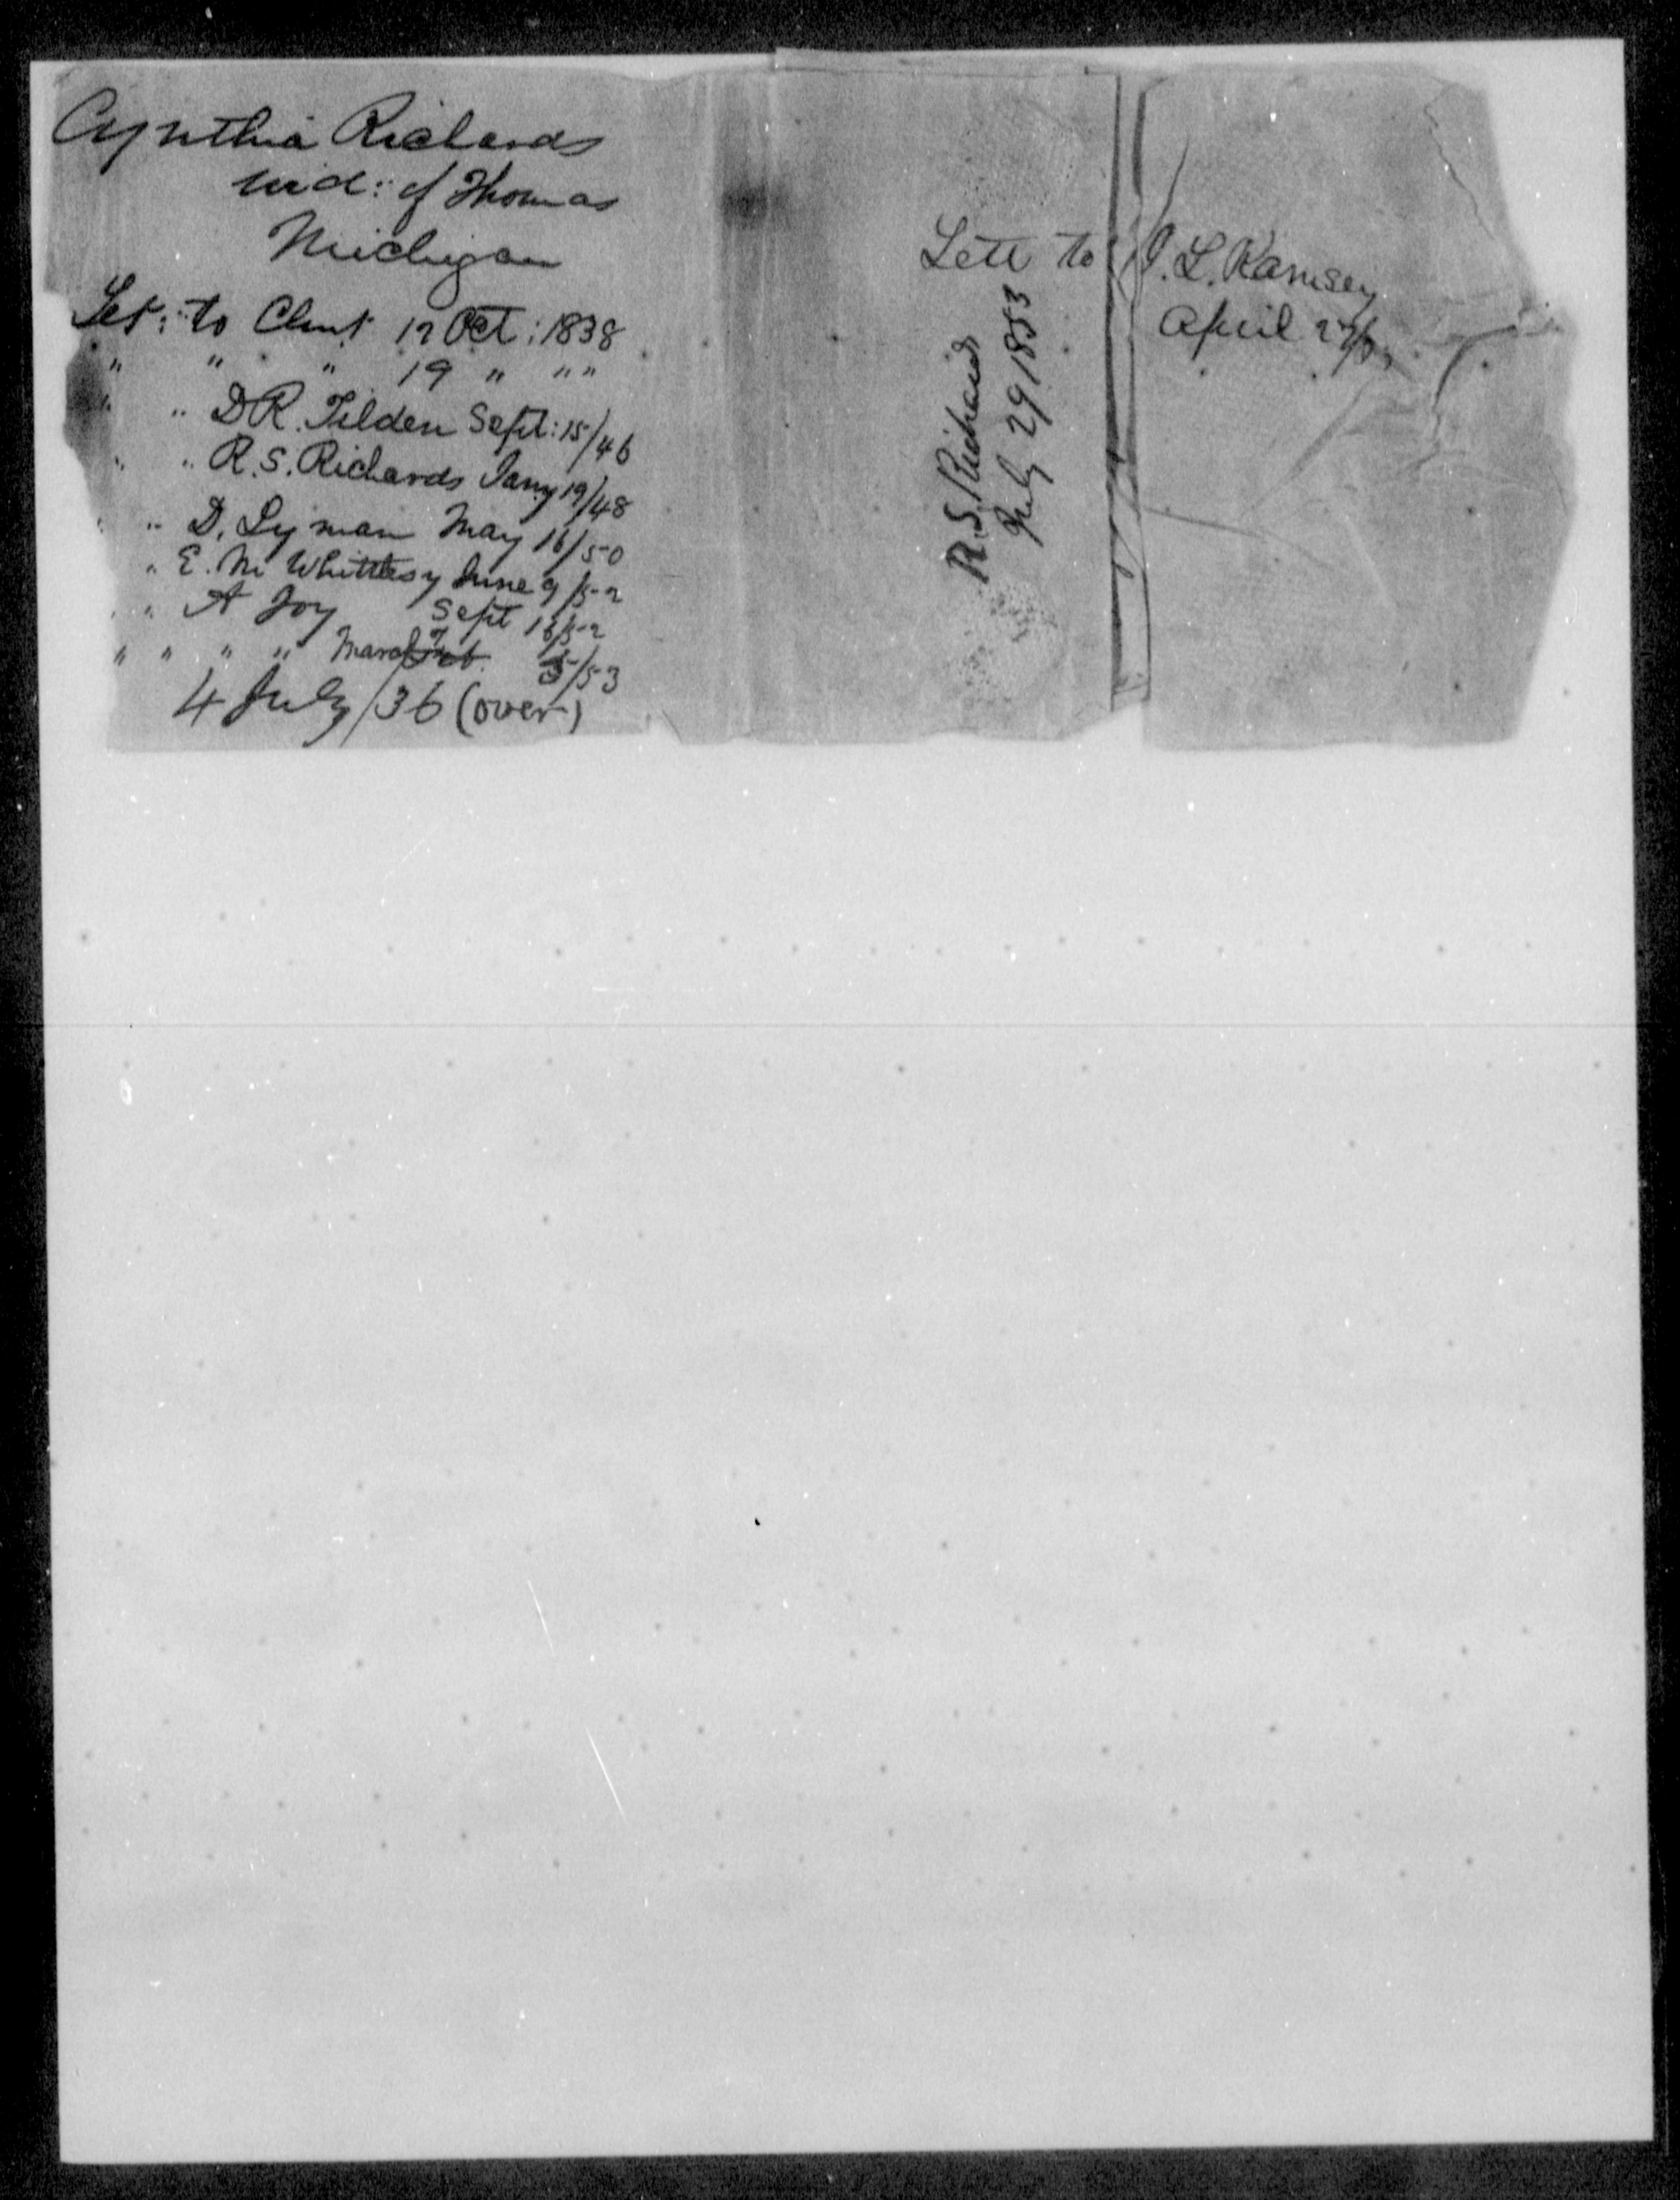Cynthia Richards wid: [WIDOW] of Thomas
Michigan
Let: [LETTER] to Client 17 Oct 1838
"                     "     "      19   "      " 
"      " D R. Tilden Sept: 15 [18]/46
"      " R. S. Richards Jany 19 [18]/48
"      " D. Lyman May 16 [18]/50
"      " E. M Whittlesy June 9 [18]/52
"      " A Joy Sept 16 [18]/52
"      "  "   "  March 5 [18]/53
4 July [18]/36 (over)

Lett to J.L. Ramsey April 27/[illegible]
R.S. Richards July 29 1853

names: Cynthia Richards; R S Richards; E M Whittlesy; J L Ramsey; D Lyman; D R Tilden; R S Richards; A Joy; Thomas Richards; [BLANK] Clint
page: 47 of 109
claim: widow's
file: W. 5709, for Thomas Richards, New Hampshire